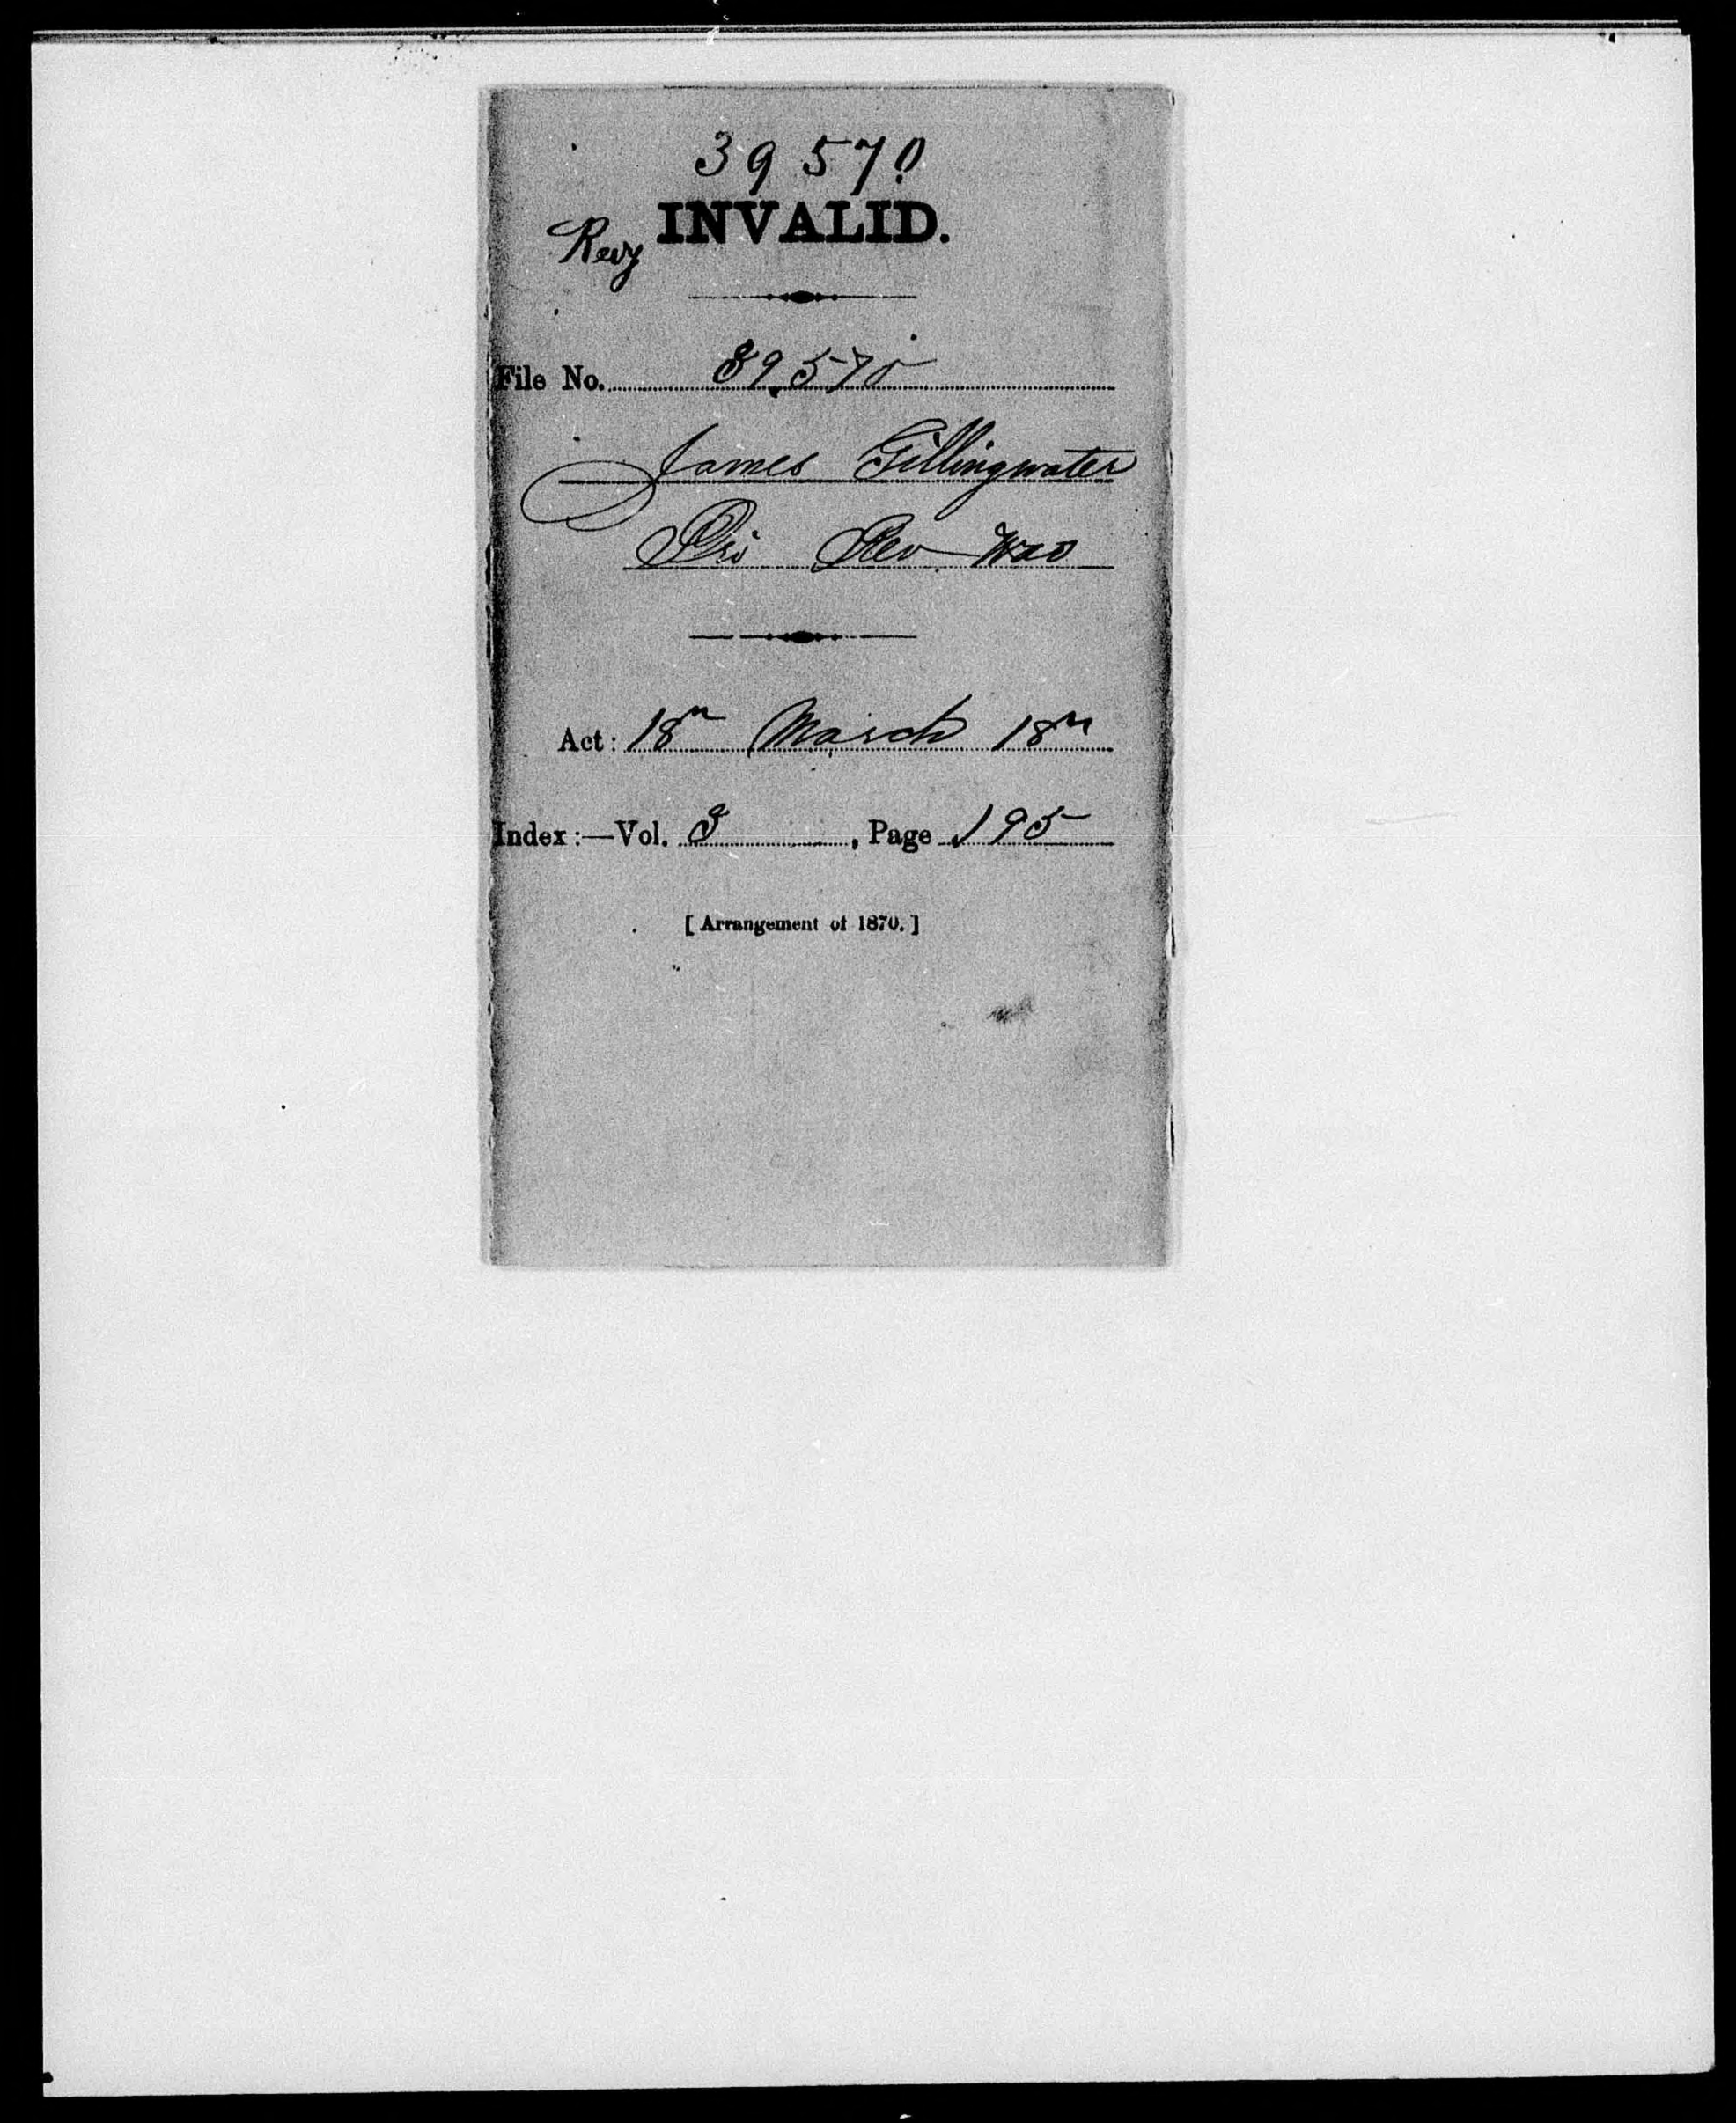39570
Revy INVALID.

File No. 39570
James Gillingwater
Pri Rev War

Act: 18 March 18
Index:- Vol. , Page 195
[Arrangement of 1870.]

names: James Gillingwater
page: 18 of 36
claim: survivor's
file: S. 39570, James Gillingwater, Va.